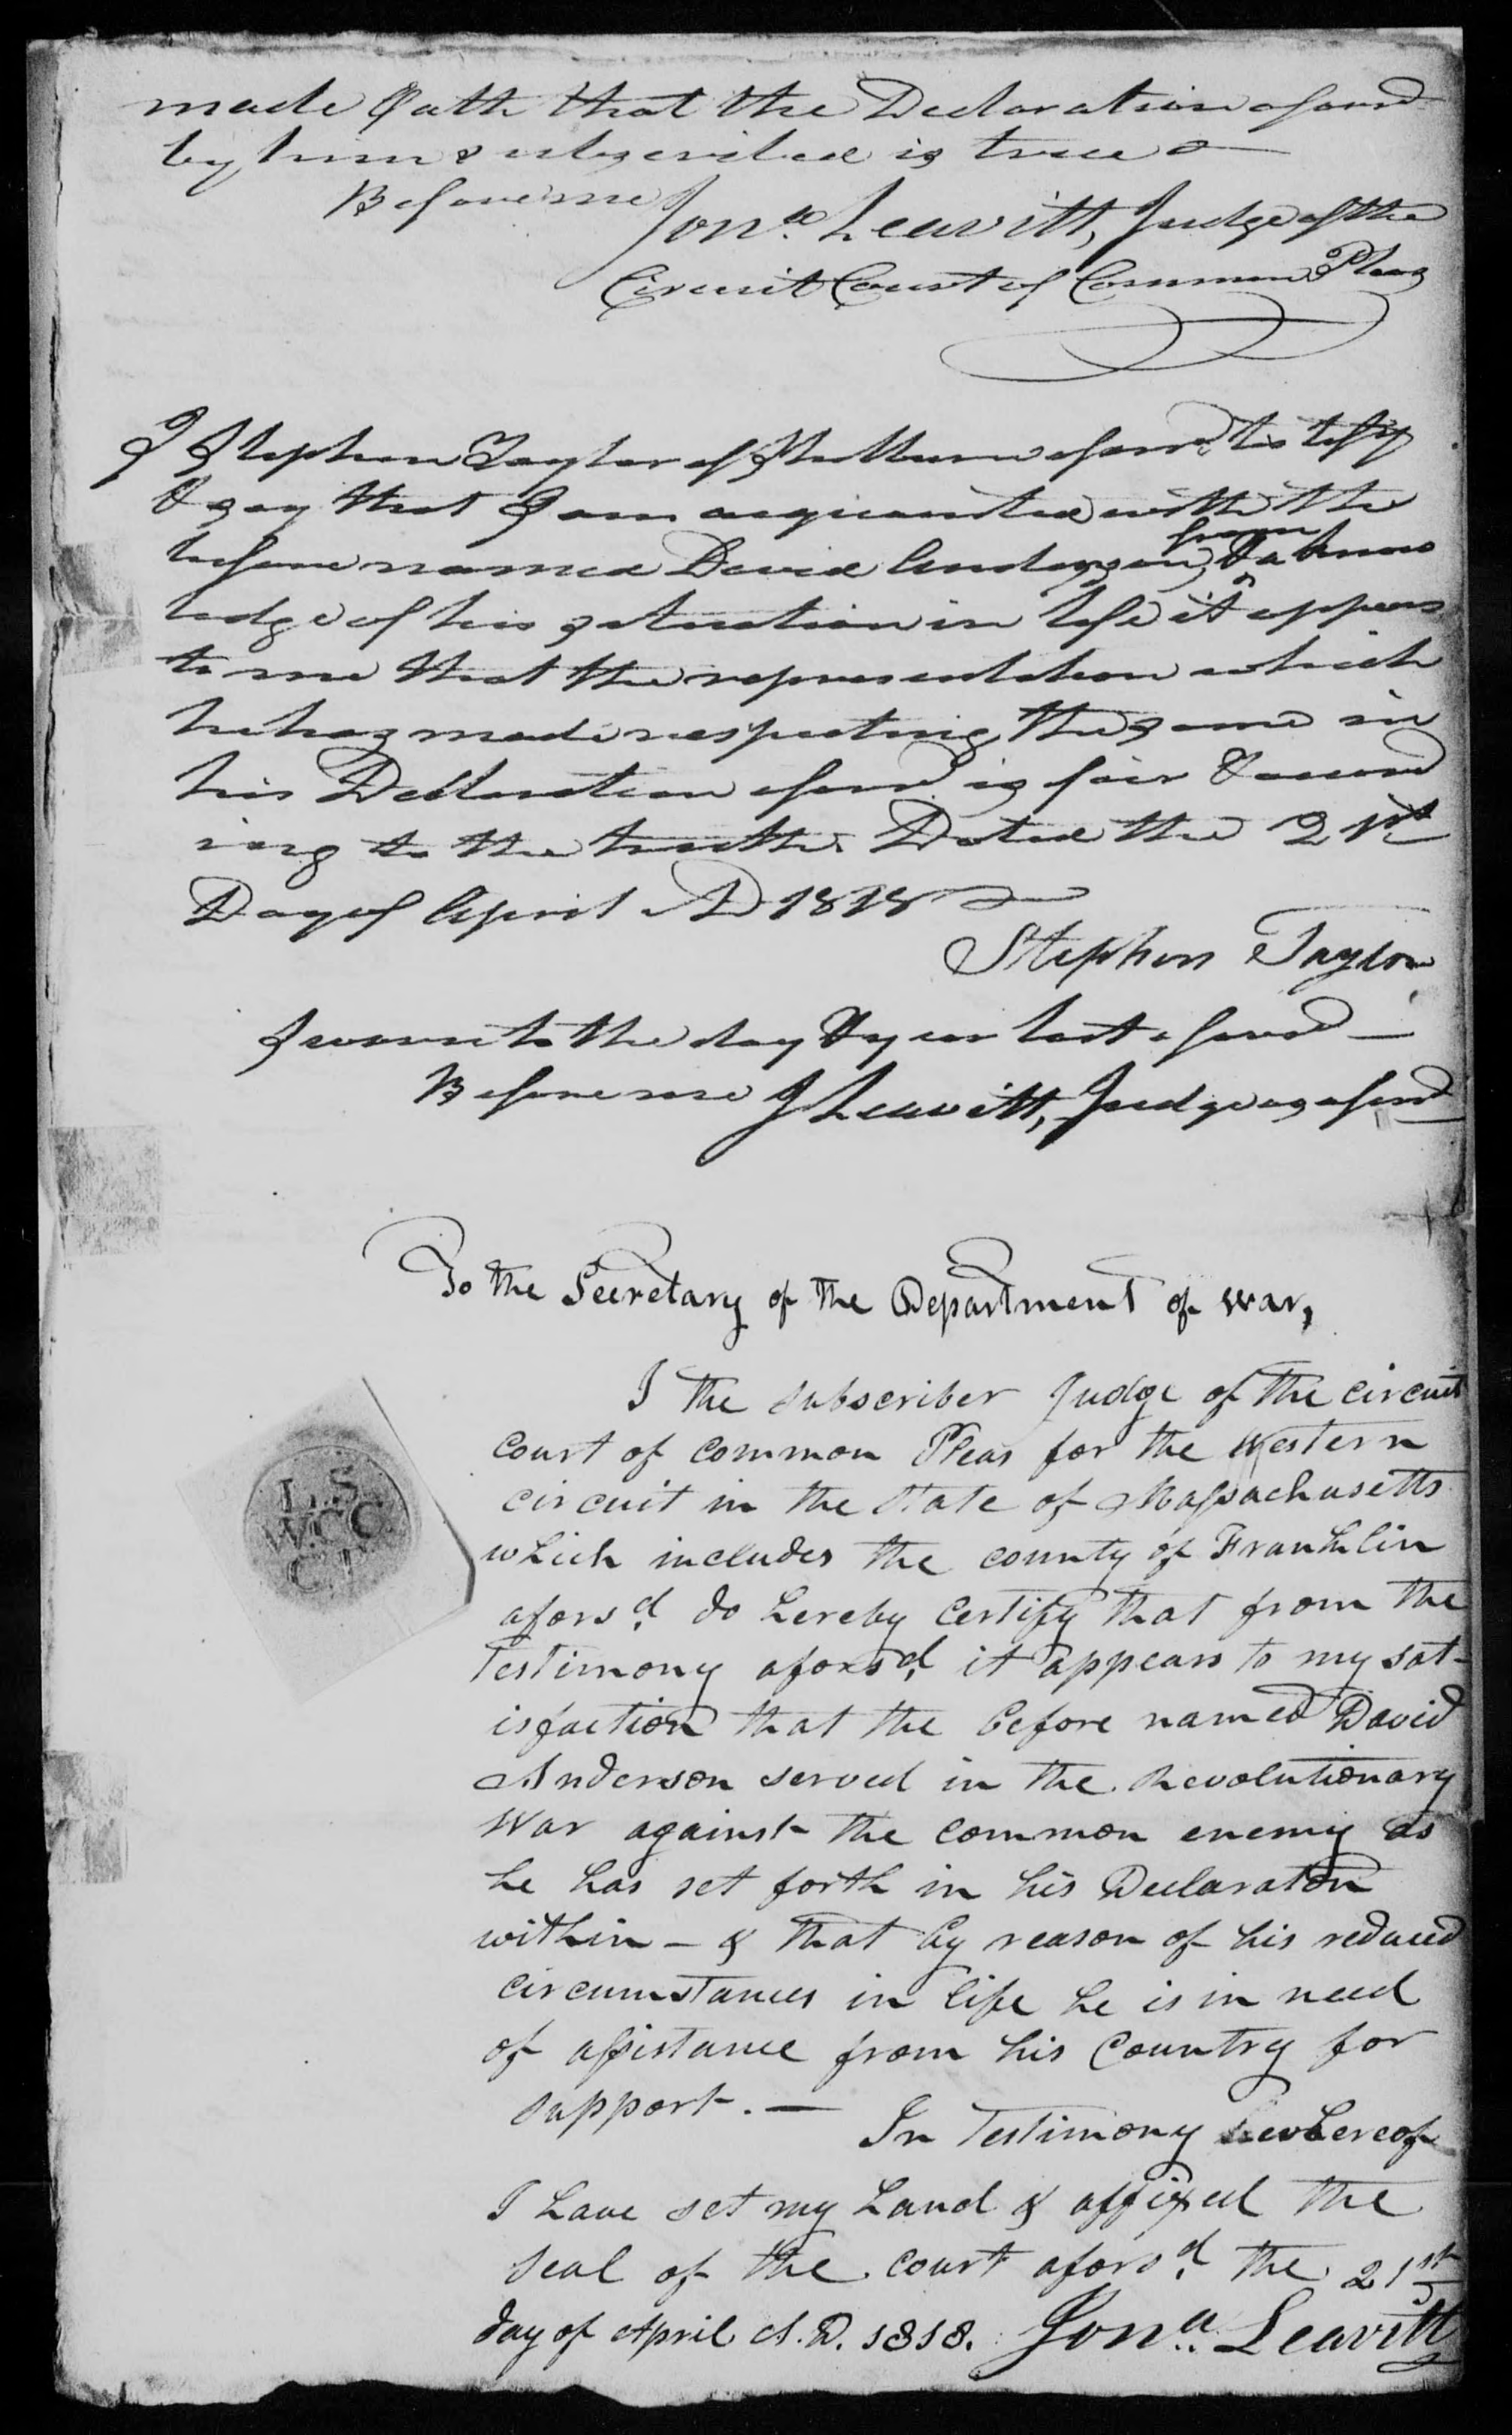made Oath that the Declaration of and by him 
subscribed is true
Before me Jona Leavitt, Judge of the
Circuit Court of Common Pleas

I Stephen Taylor of Melburne aforsd do testify
& say that I am acquainted with the
before named David Anderson from a knowledge of his situation in life it appears
to me that the representation which
he has made respecting the same in
his Declaration aforsd is fair & according to the truth. Dated the 21st Day of April AD 1818
Stephen Taylor

Sworn to the day & year last aforesd -
Before me J Leavitt, Judge aforsd

To the Secretary of the Department of War
I the subscriber Judge of the circuit
Court of Common Pleas for the Western
circuit in the State of Massachusetts
which includes the County of Franklin
aforesd do hereby certify that from the Testimony aforsd it appears to my satisfaction that the before named David
Anderson served in the Revolutionary War
against the common enemy as
he has set forth in his Declaration
within - & that by reason of his reduced
circumstances in life he is in need
of assistance from his country for
support.-
In Testimony whereof
I have set my hand & affixed the
Seal of the Court aforsd the 21st
day of April A.D. 18188. Jona Leavitt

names: Jona Leavitt, David Anderson, J Leavitt, Jona Leavitt, Stephen Taylor, David Anderson, Stephen Taylor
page: 5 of 39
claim: widow's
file: W. 20624, David Anderson, Mass